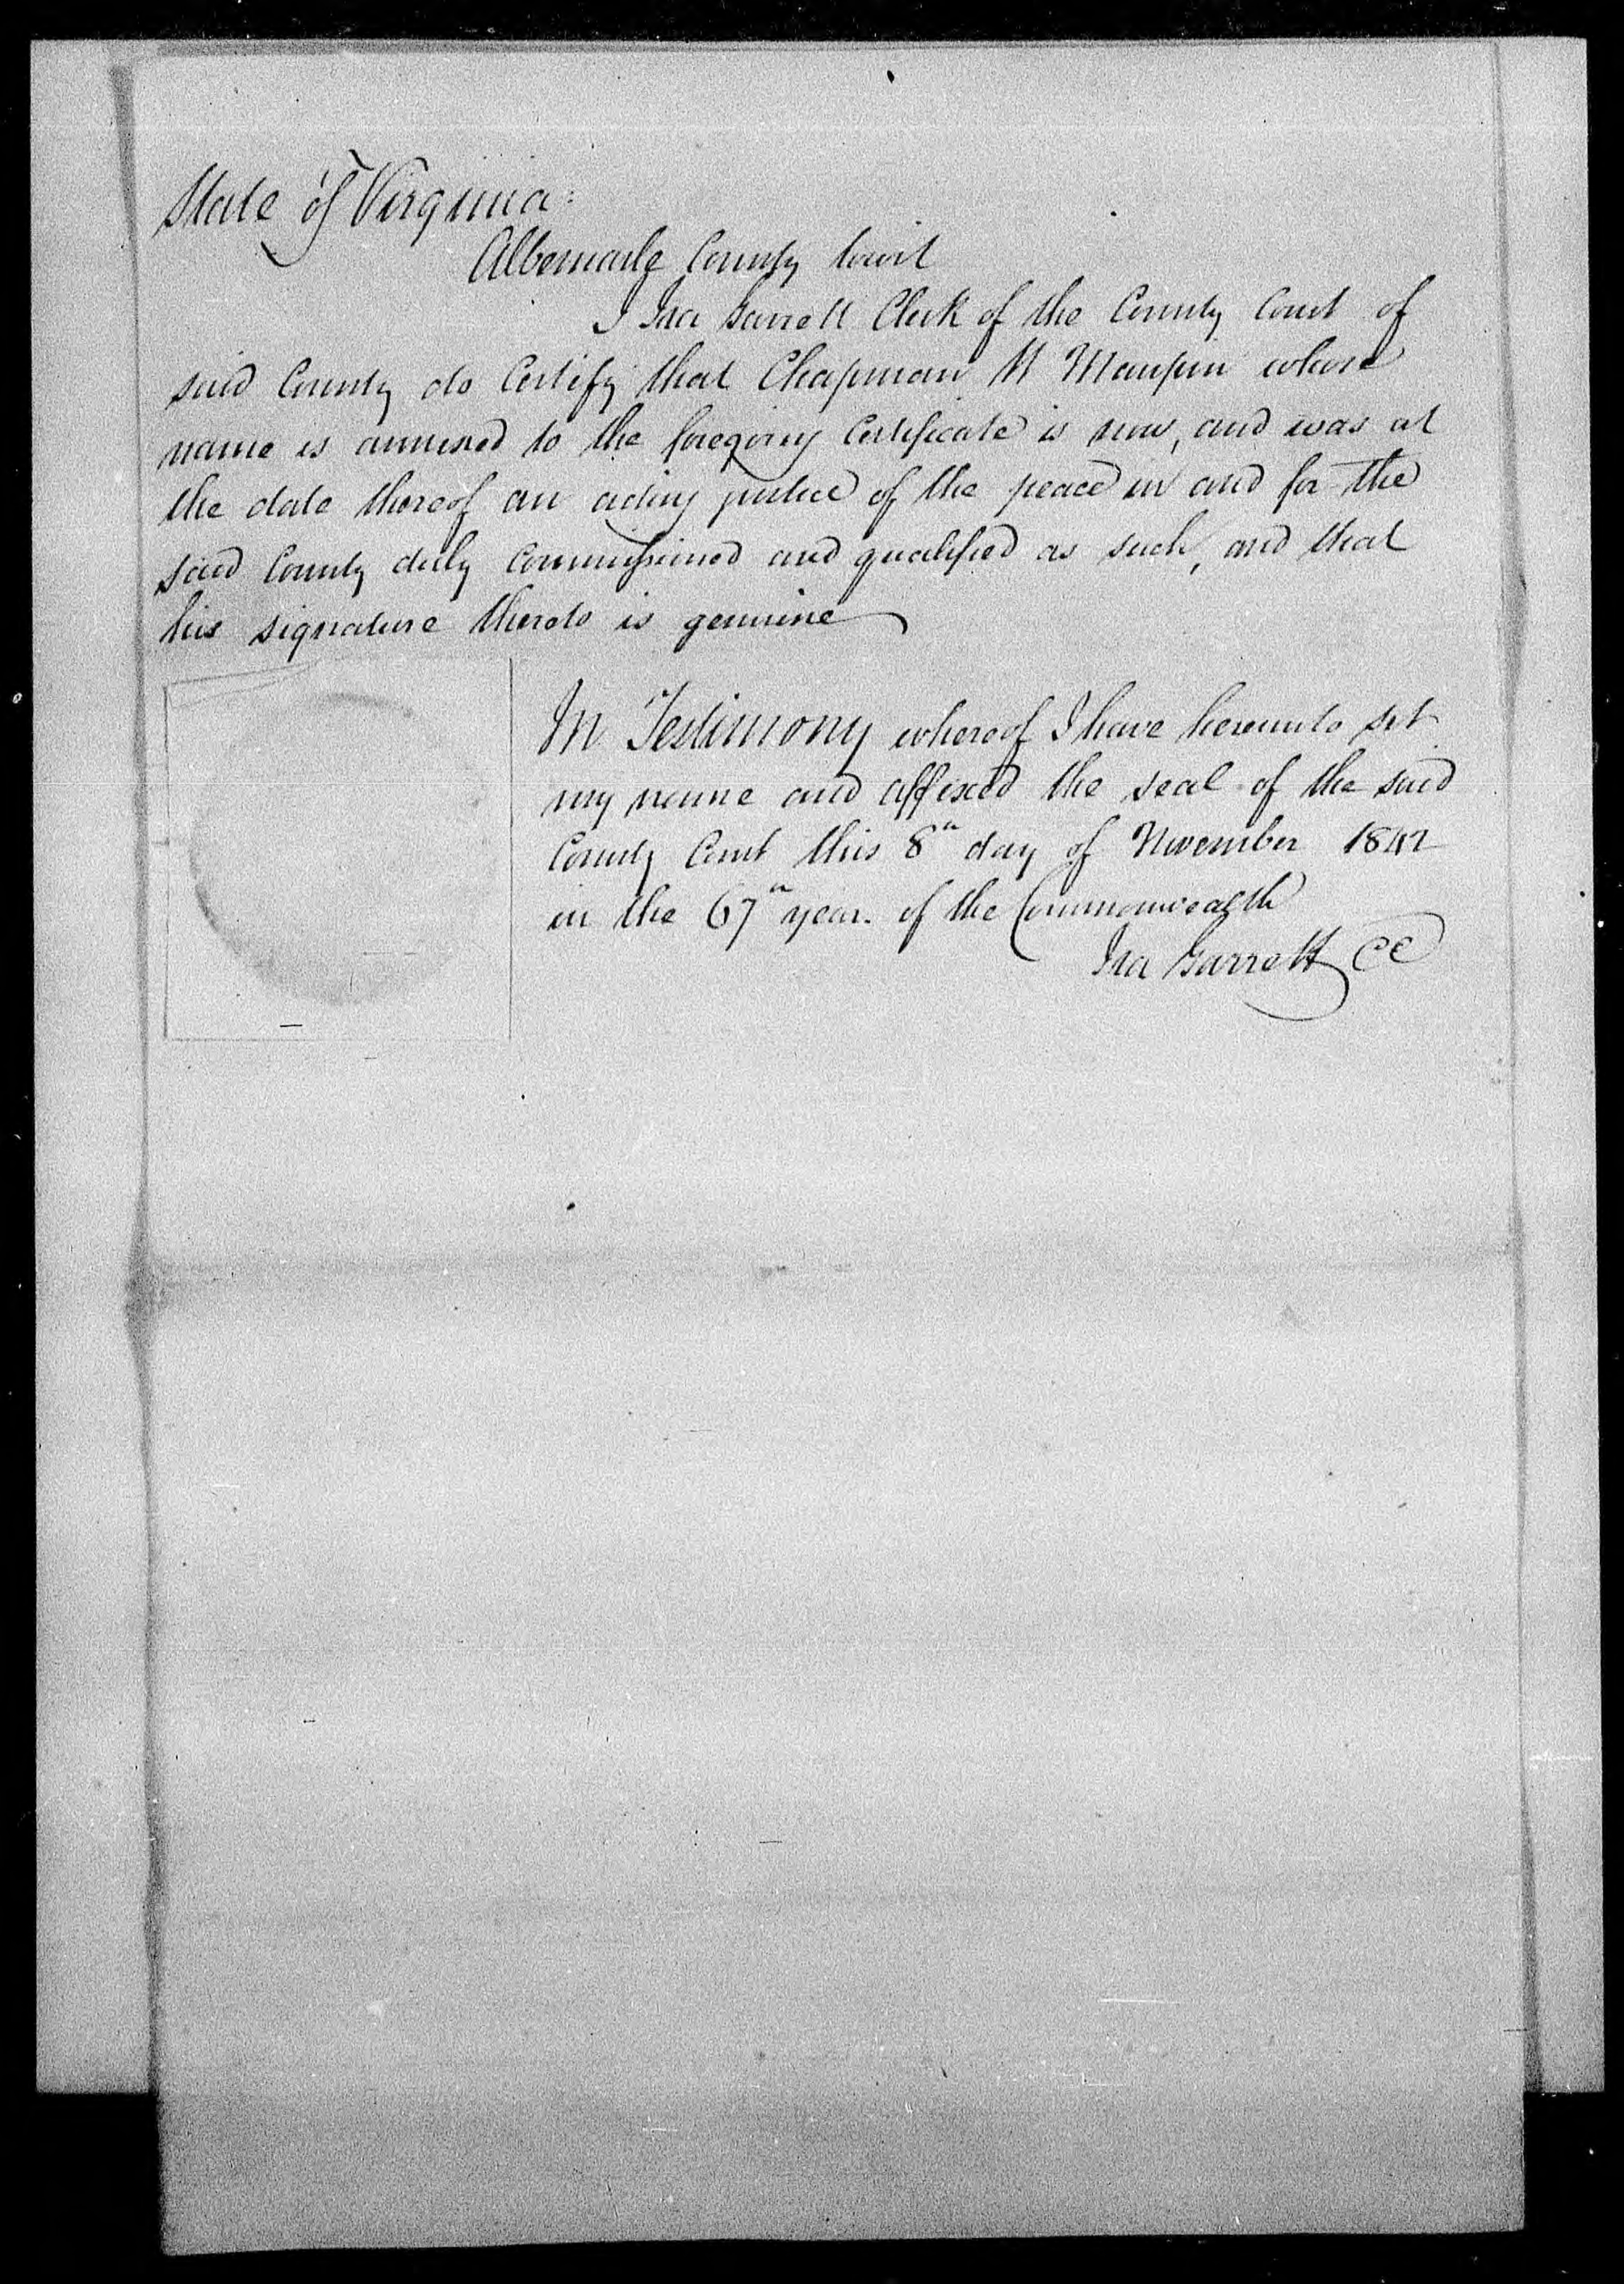State of Virginia
Albermarle County Court
  I Ira Garrett Clerk of the County Court of
said County do Certify that Chapman W Maupin whose
name is annexed to the foregoing Certificate is since, and was at
the date thereof an acting justice of the peace in and for the
said County duly commissioned and qualified as such, and that
his signature thereto is genuine
 In Testimony whereof I have hereunto set
my name and affixed the seal of the said county Court this 8th day of November 1842
in the 67th year of the Commonwealth
Ira Garrott CC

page: 4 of 28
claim: widow's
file: W. 5112, for Samuel Jamieson, Virginia